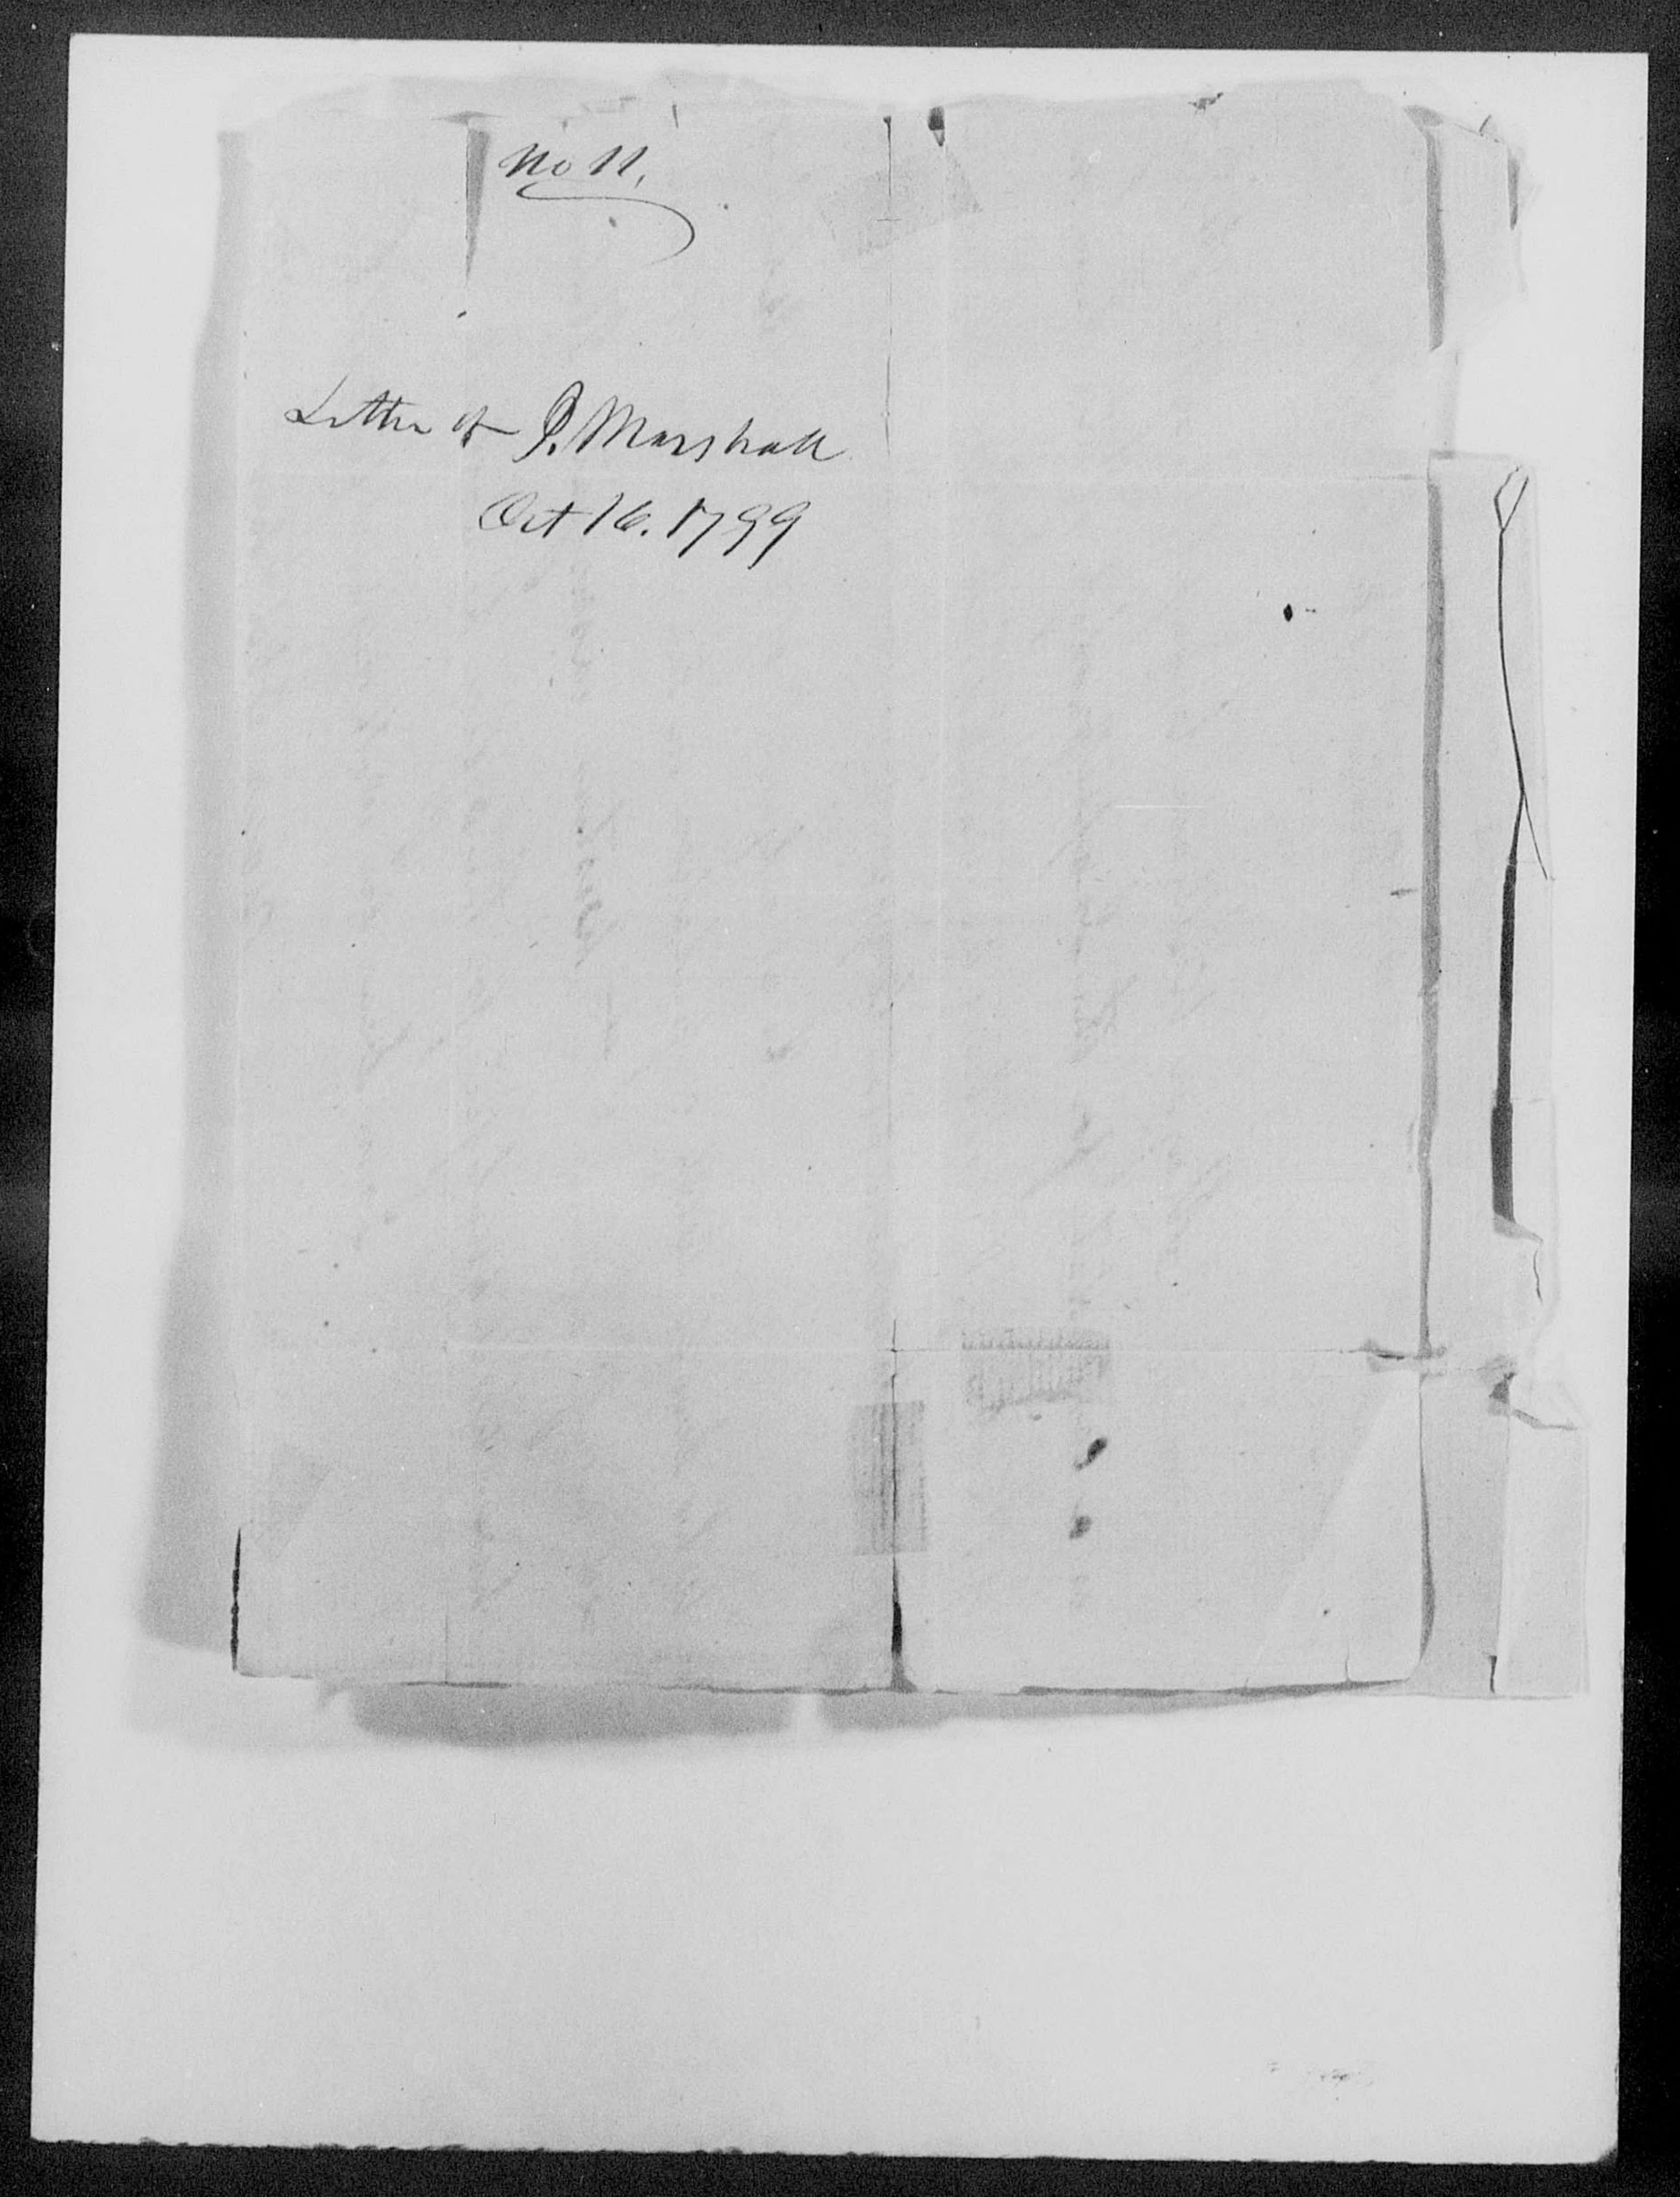No 11



Letter of J. Marshall 
Oct 16. 1799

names: J Marshall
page: 96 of 267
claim: widow's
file: W. 4,149, William Campbell, Va.